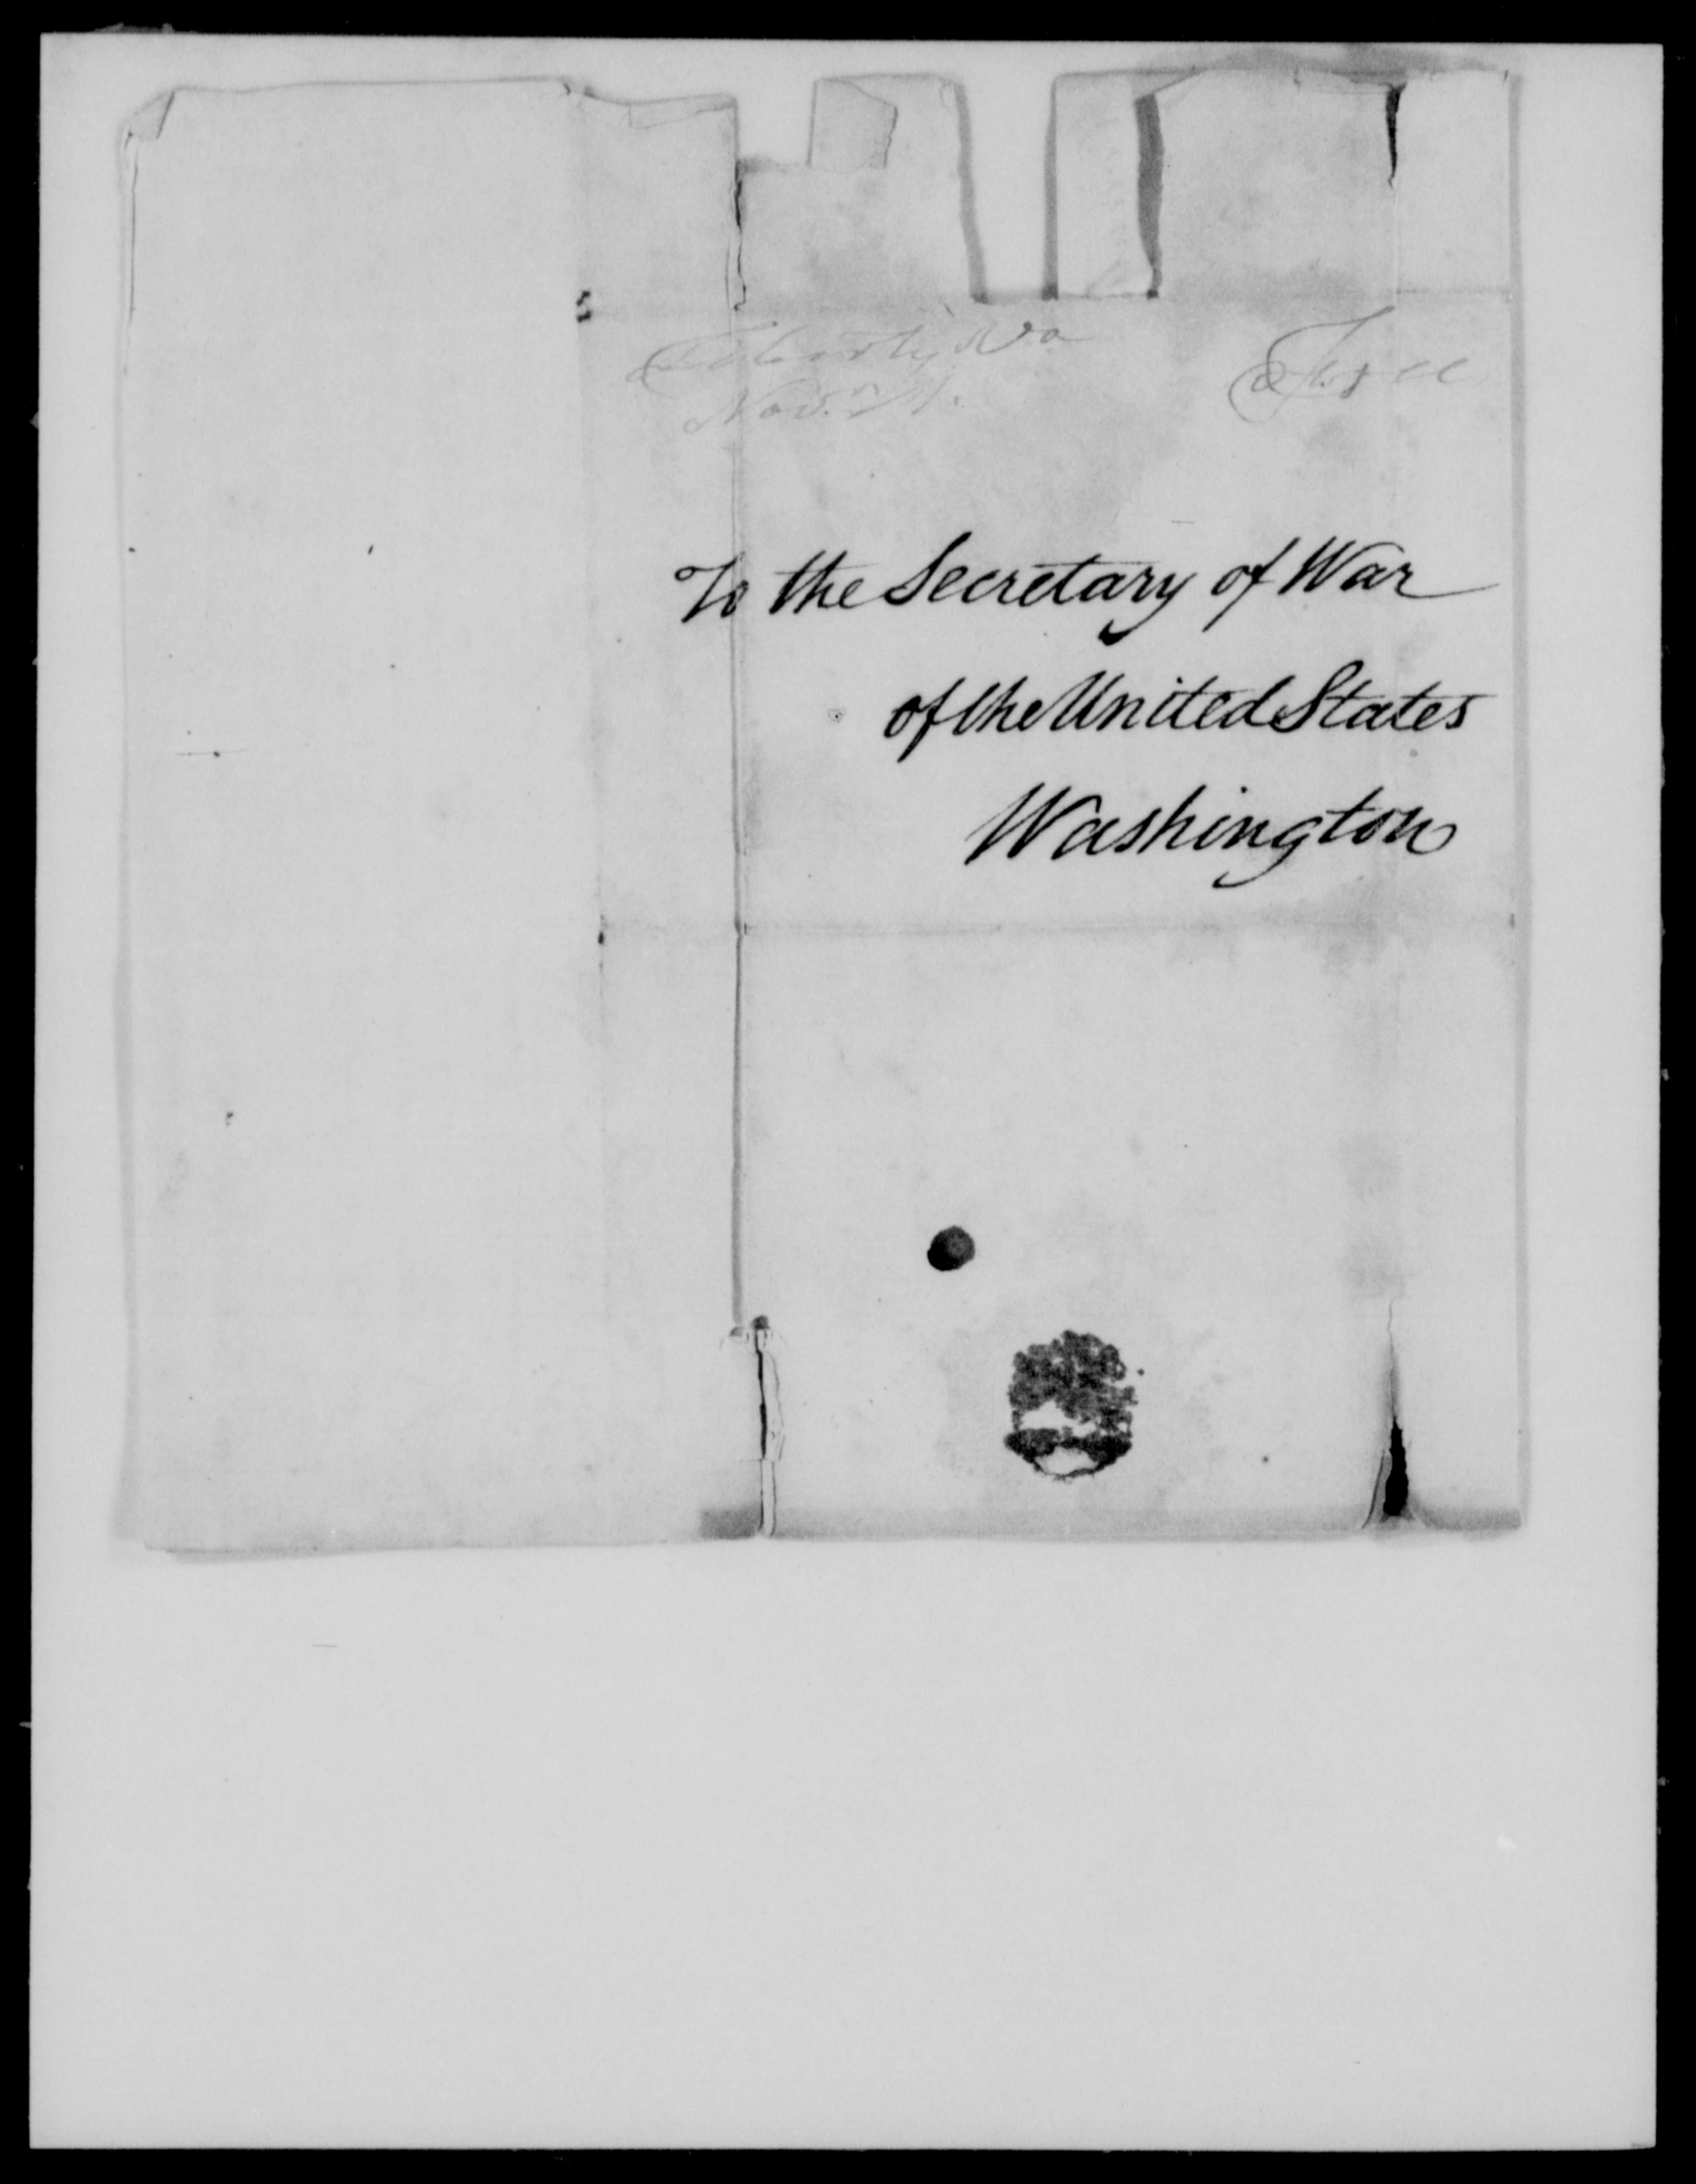Liberty Va
Novr. 19                                           Free





To the Secretary of War
of the United States
Washington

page: 3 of 10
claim: survivor's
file: S. 41290, Jacob Wade, Va.